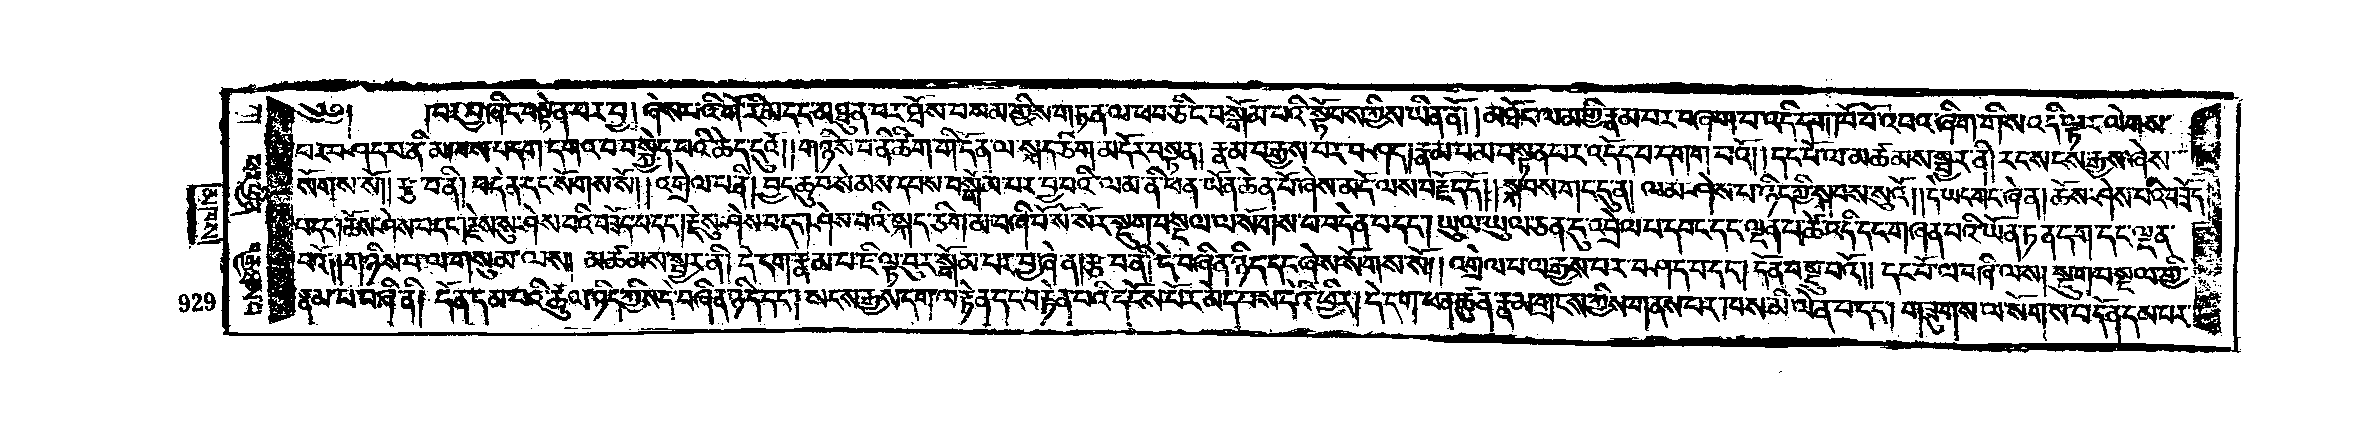༄༅། །བར་བྱ་ཞིང་བསྟེན་པར་བྱ། ཞེས་པའི་གོ་རིམ་དང་མཐུན་པར་ཐོས་བསམ་གྱིས་གཏན་ལ་ཕབ་ཅིང་བསྒོམ་པའི་སྟོབས་ཀྱིས་ཡིན་ནོ། །མཐོང་ལམ་གྱི་རྣམ་བཞག་པ་འདི་དག་ཁོ་བོ་འབའ་ཞིག་གིས་འདི་ལྟར་ལེགས་
པར་བཤད་པ་ནི་མཁས་པ་དག་དགའ་བ་བསྐྱེད་པའི་ཆེད་དུའོ། །གཉིས་པ་ནི་ཚིག་གི་དོན་ལ་སྐད་ཅིག་མདོར་བསྟན། རྣམ་པ་བརྒྱས་པར་བཤད། རྣམ་པ་མ་བསྟན་པར་འདོད་པ་དགག་པའོ། །དང་པོ་ལ་མཚམས་སྦྱར་ནི། རང་སངས་རྒྱས་ཞེས་
སོགས་སོ། །རྩ་བ་ནི། བདེན་དང་སོགས་སོ། །འགྲེལ་བ་ནི། བྱང་ཆུབ་སེམས་དཔས་བསྒོམ་པར་བྱ་བའི་ལམ་ནི་ཕན་ཡོན་ཆེན་པོ་ཞེས་མདོ་ལས་བརྗོད་དོ། །སྐབས་གང་དུ་ན། ལམ་ཤེས་པ་ཉིད་ཀྱི་སྐབས་སུའོ། །དེ་ཡང་གང་ཞེ་ན། ཆོས་ཤེས་པའི་བཟོད་
པ་དང་། ཆོས་ཤེས་པ་དང་། རྗེས་སུ་ཤེས་པའི་བཟོད་པ་དང་། རྗེས་སུ་ཤེས་པ་དང་། ཤེས་པའི་སྐད་ཅིག་མ་བཞི་པོ་སོ་སོར་བསྡུག་བསྔལ་ལ་སོགས་པ་བདེན་པ་དང་། ཡུལ་ཡུལ་ཅན་དུ་འབྲེལ་བ་དབང་དང་ལྡན་པ་ཚེ་འདི་དང་གཞན་པའི་ཡོན་ཏན་དག་དང་ལྡན་
པའོ། །གཉིས་པ་ལ་གསུམ་ལས། མཚམས་སྦྱར་ནི། དེ་དག་རྣམ་པ་ཇི་ལྟ་བུར་སྒོམ་པར་བྱ་ཞེ་ན། རྩ་བ་ནི། དེ་བཞིན་ཉིད་དང་ཞེས་སོགས་སོ། །འགྲེལ་བ་ལ་རྒྱས་པར་བཤད་པ་དང་། དོན་བསྡུ་བའོ། །དང་པོ་ལ་བཞི་ལས། སྡུག་བསྔལ་གྱི་
རྣམ་པ་བཞི་ནི། དོན་དམ་པའི་ཚུལ་ཉིད་ཀྱིས་དེ་བཞིན་ཉིད་དང་། སངས་རྒྱས་དག་ལ་རྟེན་དང་བརྟེན་པའི་དངོས་པོར་མེད་པས་དེའི་ཕྱིར། དེ་དག་ཕན་ཚུན་རྣམ་གྲངས་ཀྱིས་གནས་པར་ཁས་མི་ལེན་པ་དང་། གཟུགས་ལ་སོགས་པ་དོན་དམ་པར་